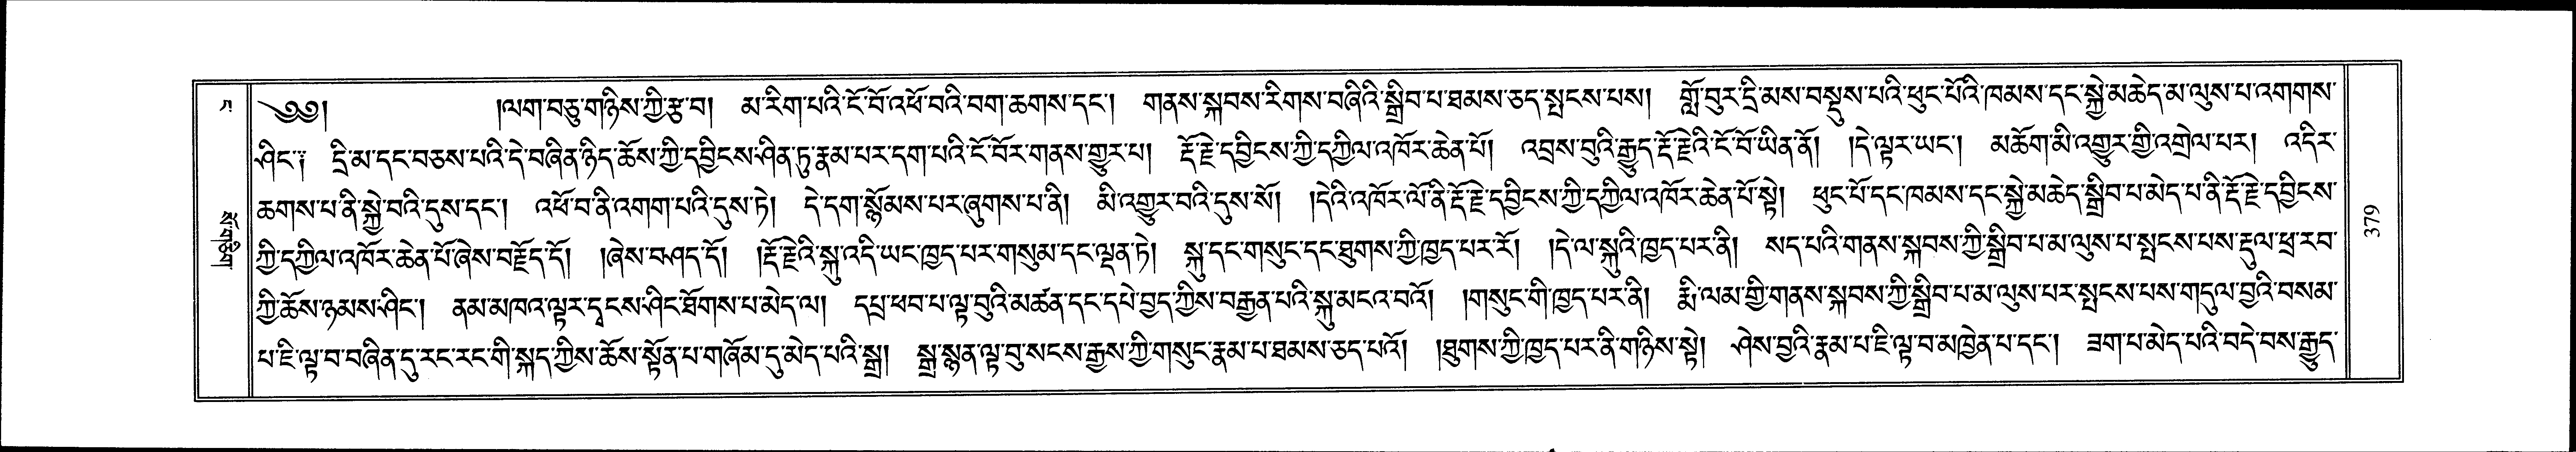༄༅། །ལག་བཅུ་གཉིས་ཀྱི་རྩ་བ། མ་རིག་པའི་ངོ་བོ་འཕོ་བའི་བག་ཆགས་དང་། གནས་སྐབས་རིགས་བཞིའི་སྒྲིབ་པ་ཐམས་ཅད་སྤངས་པས། གློ་བུར་དྲི་མས་བསྡུས་པའི་ཕུང་པོའི་ཁམས་དང་སྐྱེ་མཆེད་མ་ལུས་པ་འགགས་
ཤིང་། དྲི་མ་དང་བཅས་པའི་དེ་བཞིན་ཉིད་ཆོས་ཀྱི་དབྱིངས་ཤིན་ཏུ་རྣམ་པར་དག་པའི་ངོ་བོར་གནས་གྱུར་པ། རྡོ་རྗེ་དབྱིངས་ཀྱི་དཀྱིལ་འཁོར་ཆེན་པོ། འབྲས་བུའི་རྒྱུད་རྡོ་རྗེའི་ངོ་བོ་ཡིན་ནོ། །དེ་ལྟར་ཡང་། མཆོག་མི་འགྱུར་གྱི་འགྲེལ་པར། འདིར་
ཆགས་པ་ནི་སྐྱེ་བའི་དུས་དང་། འཕོ་བ་ནི་འགག་པའི་དུས་ཏེ། དེ་དག་སྙོམས་པར་ཞུགས་པ་ནི། མི་འགྱུར་བའི་དུས་སོ། །དེའི་འཁོར་ལོ་ནི་རྡོ་རྗེ་དབྱིངས་ཀྱི་དཀྱིལ་འཁོར་ཆེན་པོ་སྟེ། ཕུང་པོ་དང་ཁམས་དང་སྐྱེ་མཆེད་སྒྲིབ་པ་མེད་པ་ནི་རྡོ་རྗེ་དབྱིངས་
ཀྱི་དཀྱིལ་འཁོར་ཆེན་པོ་ཞེས་བརྗོད་དོ། །ཞེས་བཤད་དོ། །རྡོ་རྗེའི་སྐུ་འདི་ཡང་ཁྱད་པར་གསུམ་དང་ལྡན་ཏེ། སྐུ་དང་གསུང་དང་ཐུགས་ཀྱི་ཁྱད་པར་རོ། །དེ་ལ་སྐུའི་ཁྱད་པར་ནི། སད་པའི་གནས་སྐབས་ཀྱི་སྒྲིབ་པ་མ་ལུས་པ་སྤངས་པས་རྡུལ་ཕྲ་རབ་
ཀྱི་ཆོས་ཉམས་ཤིང་། ནམ་མཁའ་ལྟར་དྭངས་ཤིང་ཐོགས་པ་མེད་ལ། དཔྲ་ཕབ་པ་ལྟ་བུའི་མཚན་དང་དཔེ་བྱད་ཀྱིས་བརྒྱན་པའི་སྐུ་མངའ་བའོ། །གསུང་གི་ཁྱད་པར་ནི། རྨི་ལམ་གྱི་གནས་སྐབས་ཀྱི་སྒྲིབ་པ་མ་ལུས་པར་སྤངས་པས་གདུལ་བྱའི་བསམ་
པ་ཇི་ལྟ་བ་བཞིན་དུ་རང་རང་གི་སྐད་ཀྱིས་ཆོས་སྟོན་པ་གཞོམ་དུ་མེད་པའི་སྒྲ། སྒྲ་སྙན་ལྟ་བུ་སངས་རྒྱས་ཀྱི་གསུང་རྣམ་པ་ཐམས་ཅད་པའོ། །ཐུགས་ཀྱི་ཁྱད་པར་ནི་གཉིས་སྟེ། ཤེས་བྱའི་རྣམ་པ་ཇི་ལྟ་བ་མཁྱེན་པ་དང་། ཟག་པ་མེད་པའི་བདེ་བས་རྒྱུད་